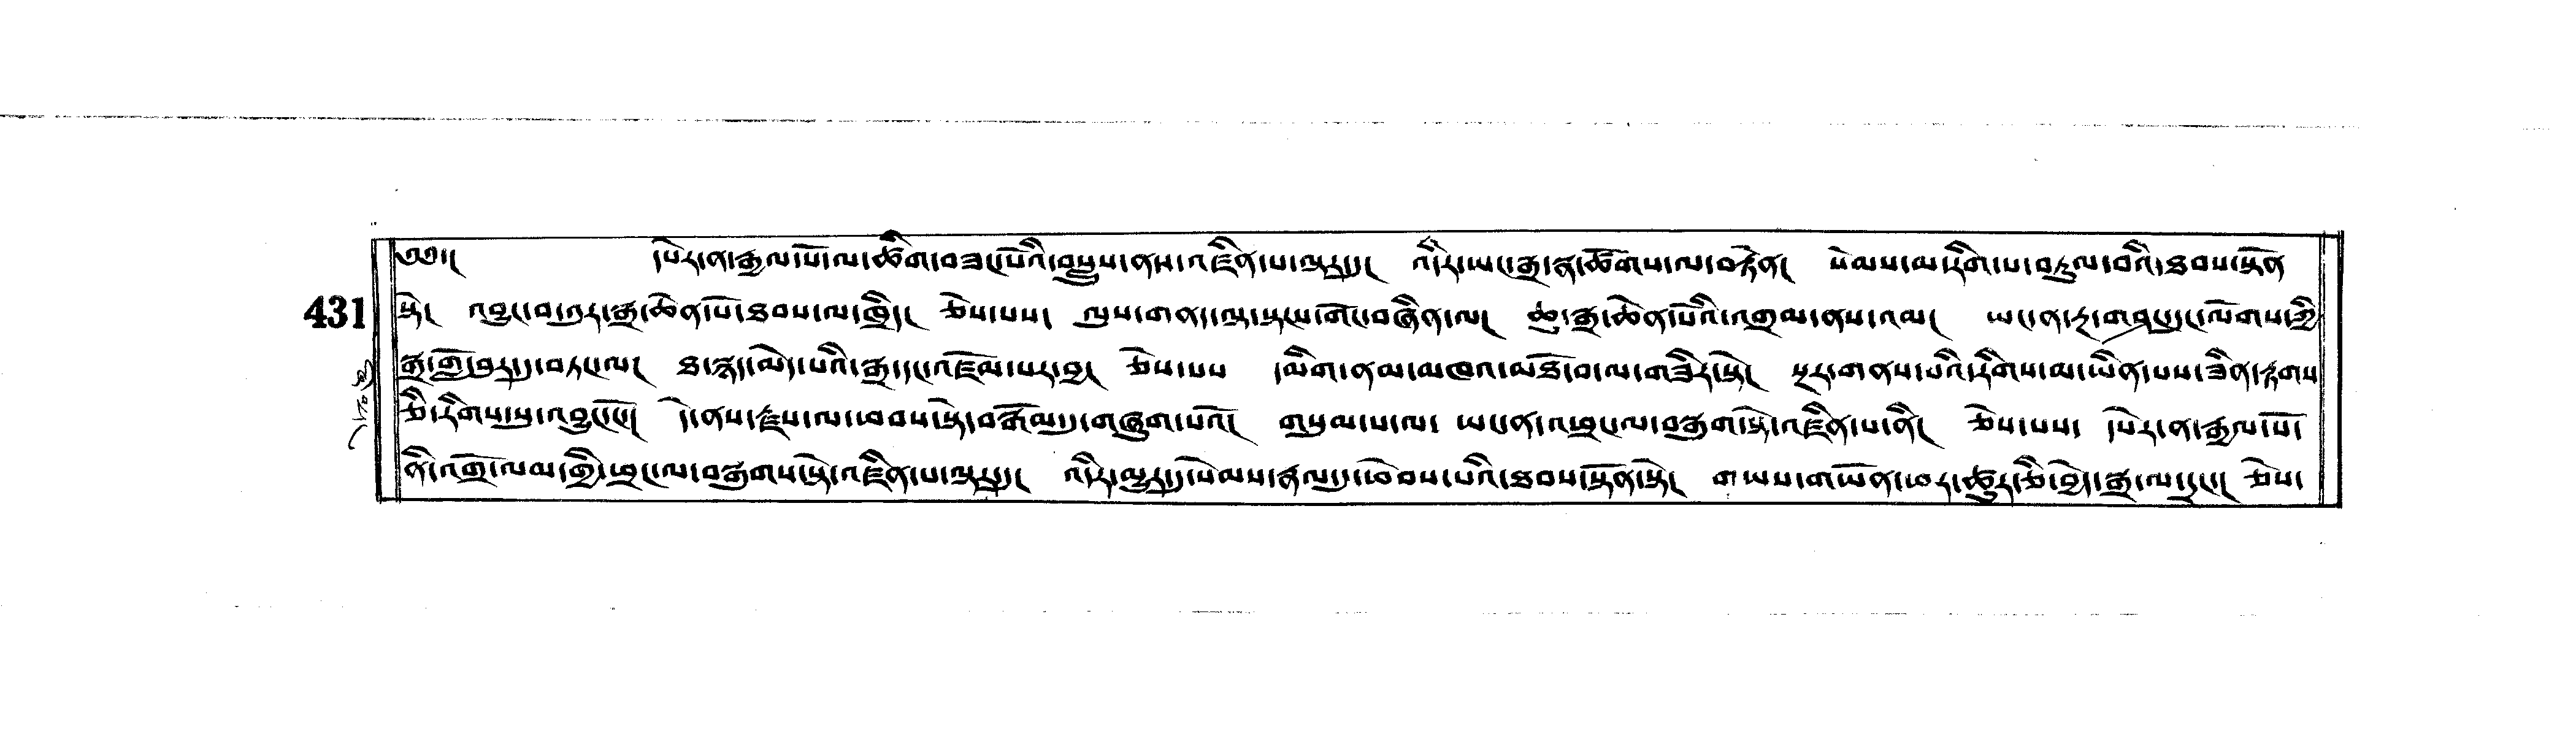དཔེར་ན། རྒྱལ་པོ་ལ་ཚིག་བཟང་པོས་བསླུས་ནས་འཛིན་པ་ལྟར་དུ། སྒྲ་སྣ་ཚོགས་ལ་བརྟེན། སེམས་མ་རིག་པ་བཏུལ་བའི་ཐབས་སྟོན་
ཏེ། འབྱུང་བ་འུར་སྒྲ་ཆེན་པོ་ཐབས་ལ་ཁྲིད། ཅེས་པས། ལུས་གནད་ལྟ་སྟངས་གོང་བཞིན་ལ། ཆུ་སྒྲ་ཆེན་པོའི་འགྲམ་ནས་འམ། ཡང་ན་རྔ་གཤང་དུང་ལ་སོགས་ཀྱི་
སྒྲ་གློ་བུར་དུ་བཏང་ལ། ཐ་སྙད་མེད་པའི་སྒྲ་དང་འཛོམས་པར་བྱ། ཅེས་པས། མིག་ནམ་མཁའ་མཐོ་བ་ལ་གཟིར་སྟེ། སྔར་གནས་པའི་རིགས་མ་ཡིན་པའི་ཟིན་རྟགས་
ཅི་རིགས་སུ་འབྱུང་ངོ་། དེ་ནས་རྫས་ལ་ཕབ་སྟེ་སྒོམ་དུ་གཞུག་པའོ། གསུམ་པ་ལ། ཡང་ན་འཕྲང་ལ་སྒུག་སྟེ་འཛིན་པ་ནི། ཅེས་པས། དཔེར་ན་རྒྱལ་པོ་
ནི་བགྲོད་ལམ་གྱི་འཕྲང་ལ་སྒུགས་ཏེ་འཛིན་པ་ལྟར་དུ། འདིར་མྱུར་དུ་སེམས་རྣལ་དུ་ཕེབས་པའི་ཐབས་སྟོན་ཏེ། གཡས་གཡོན་ཕར་ཚུར་ཅི་བྱེད་སྒྲ་ལ་དྲང་། ཅེས་